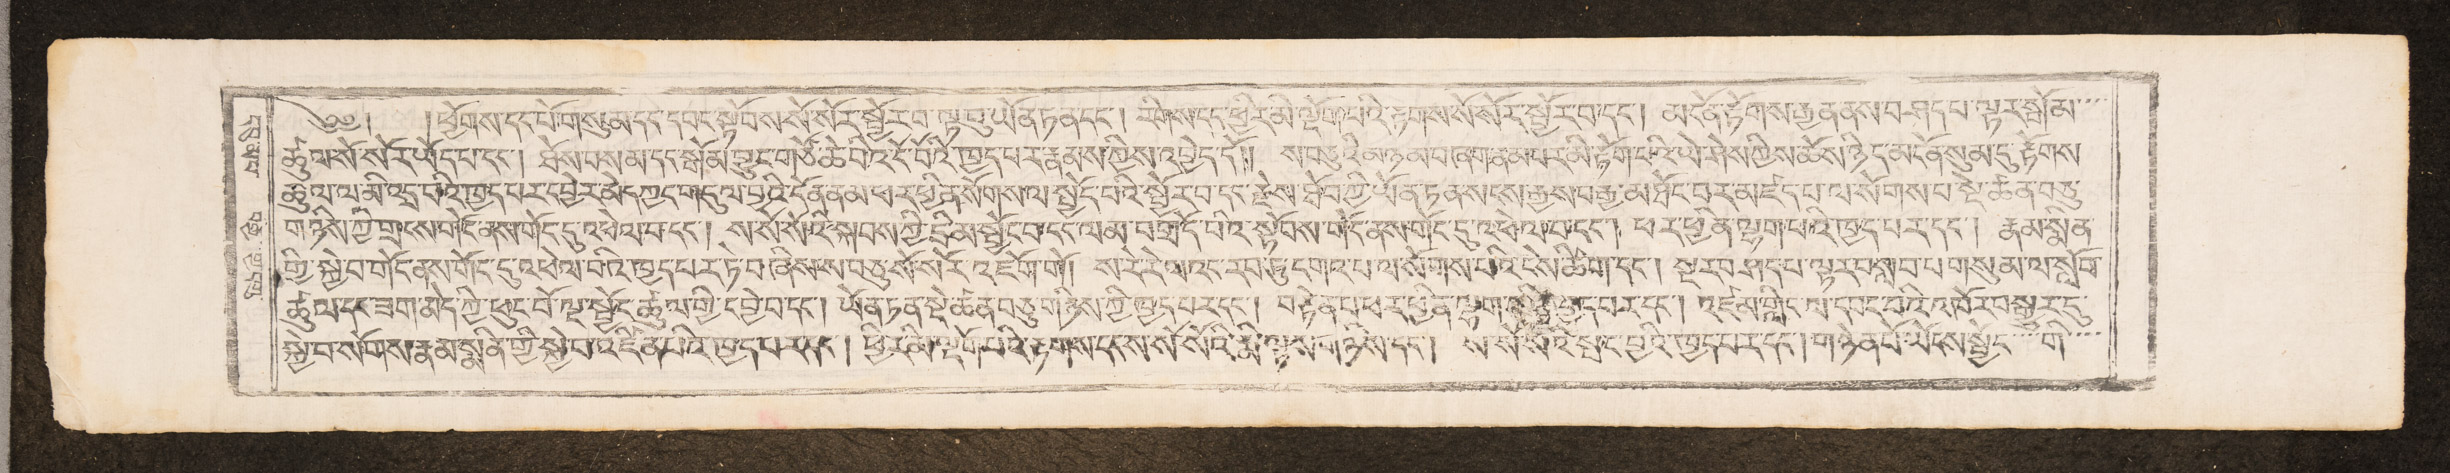༄༅། །ཕྱོགས་དང་པོ་གསུམ་དང་དབང་སྟོབས་སོ་སོར་སྦྱོར་བ་ལྟ་བུ་ཡོན་ཏན་དང་། རིགས་དང་ཕྱིར་མི་ལྡོག་པའི་རྟགས་སོ་སོར་སྦྱོར་བ་དང་། མངོན་རྟོགས་རྒྱན་ནས་བཤད་པ་ལྟར་སྒོམ་
ཚུལ་སོ་སོར་ཡོད་པ་དང་། ཐོས་བསམ་དང་སྒོམ་བྱུང་གཙོ་ཆེ་བའི་ངོ་བོའི་ཁྱད་པར་རྣམས་ཀྱིས་འབྱེད་དོ།། ས་བཅུའི་མཉམ་བཞག་རྣམ་པར་མི་རྟོག་པའི་ཡེ་ཤེས་ཀྱིས་ཆོས་ཉིད་མངོན་སུམ་དུ་རྟོགས་
ཚུལ་ལ་མི་འདྲ་བའི་ཁྱད་པར་དབྱེར་མེད་ཀྱང་གདུལ་བྱའི་དོན་ནམ་ཕར་ཕྱིན་སོགས་ལ་སྦྱོང་བའི་སྦྱོར་བ་དང་རྗེས་ཐོབ་ཀྱི་ཡོན་ཏན་སངས་རྒྱས་བརྒྱ་མཐོང་བར་མཛད་པ་ལ་སོགས་པ་སྡེ་ཚན་བཅུ་
གཉིས་ཀྱི་གྲངས་གོང་ནས་གོང་དུ་འཕེལ་བ་དང་། ས་སོ་སོའི་སྐབས་ཀྱི་དྲི་མ་སྦྱོང་བ་དང་ལམ་བགྲོད་པའི་སྟོབས་གོང་ནས་གོང་དུ་འཕེལ་བ་དང་། ཕར་ཕྱིན་ལྷག་པའི་ཁྱད་པར་དང་། རྣམ་སྨིན་
གྱི་སྐྱེ་བ་གོང་ནས་གོང་དུ་འཕེལ་བའི་ཁྱད་པར་ཏེ་བཞིས་ས་བཅུ་སོ་སོར་འཇོག་གོ། ས་རེ་རེ་ལའང་རབ་ཏུ་དགའ་པ་ལ་སོགས་པའི་ངེས་ཚིག་དང་། སྔར་བཤད་པ་ལྟར་བསླབ་པ་གསུམ་ལ་སློབ་
ཚུལ་དང་ཟག་མེད་ཀྱི་ཕུང་པོ་ལྔ་སྤྱོད་ཚུལ་གྱི་དབྱེ་བ་དང་། ཡོན་ཏན་སྡེ་ཚན་བཅུ་གཉིས་ཀྱི་ཁྱད་པར་དང་། བརྟེན་པ་ཕར་ཕྱིན་ལྷག་པའི་ཁྱད་པར་དང་། འཛམ་གླིང་ལ་དབང་པའི་འཁོར་བསྒྱུར་དུ་
སྐྱེ་བ་སོགས་རྣམ་སྨིན་གྱི་སྐྱེ་བ་འཛིན་པའི་ཁྱད་པར་དང་། ཕྱིར་མི་ལྡོག་པའི་རྟགས་དང་ས་སོ་སོའི་རྨི་ལྟས་གཉིས་དང་། ས་སོ་སོའི་སྤང་བྱའི་ཁྱད་པར་དང་། གཉེན་པོ་ཡོངས་སྦྱོང་གི་